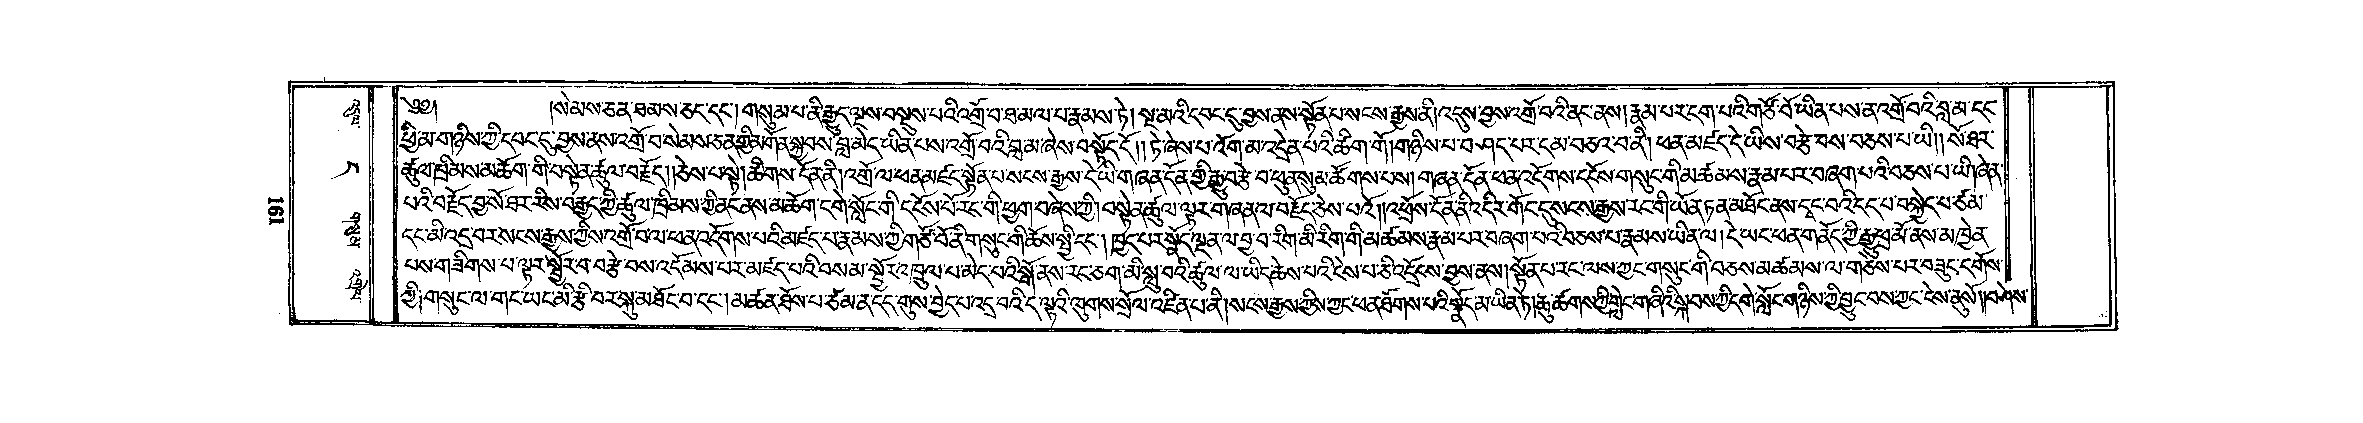༄༅། །སེམས་ཅན་ཐམས་ཅད་དང་། གསུམ་པ་ནི་རྒྱུད་ལྔས་བསྡུས་པའི་འགྲོ་བ་ཐ་མལ་པ་རྣམས་ཏེ། སྔ་མའི་དབང་དུ་བྱས་ནས་སྟོན་པ་སངས་རྒྱས་ནི། འདུས་བྱས་འགྲོ་བའི་ནང་ནས། རྣམ་པར་དག་པའི་གཙོ་བོ་ཡིན་པས་ན་འགྲོ་བའི་བླ་མ་དང་
ཕྱི་མ་གཉིས་ཀྱི་དབང་དུ་བྱས་ནས་འགྲོ་བ་སེམས་ཅན་གྱི་མགོན་སྐྱབས་བླ་མེད་ཡིན་པས་འགྲོ་བའི་བླ་མ་ཞེས་བསྟོད་དོ། །ཏེ་ཞེས་པ་འོག་མ་འདྲེན་པའི་ཚིག་གོ །གཉིས་པ་བཤད་པར་དམ་བཅའ་བ་ནི། ཕན་མཛད་དེ་ཡིས་བརྩེ་བས་བཅས་པ་ཡི། །སོ་ཐར་
ཚུལ་ཁྲིམས་མཆོག་གི་བསྟེན་ཚུལ་བརྗོད། །ཅེས་པ་སྟེ། ཚིགས་དོན་ནི། འགྲོ་ལ་ཕན་མཛད་སྟོན་པ་སངས་རྒྱས་དེ་ཡི་གཞན་དོན་གྱི་རྒྱུ་བརྩེ་བ་ཕུན་སུམ་ཚོགས་པས། གཞན་དོན་ཕན་འདོགས་དངོས་གསུང་གི་མཚམས་རྣམ་པར་བཞག་པའི་བཅས་པ་ཡི། ཞེན་
པའི་བརྗོད་བྱ་སོ་ཐར་རིས་བརྒྱད་ཀྱི་ཚུལ་ཁྲིམས་ཀྱི་ནང་ནས་མཆོག་དགེ་སློང་གི་དངོས་པོ་རང་གི་ཕྱག་བཞེས་ཀྱི། བསྟེན་ཚུལ་ལྟར་གཞན་ལ་བརྗོད་ཅེས་པའོ། །འཕྲོས་དོན་ནི་འདིར་གོང་དུ་སངས་རྒྱས་རང་གི་ཡོན་ཏན་མཐོང་ནས་དྭང་བའི་དད་པ་བསྐྱེད་པ་ཙམ་
དང་མི་འདྲ་བར་སངས་རྒྱས་ཀྱིས་འགྲོ་བ་ལ་ཕན་འདོགས་པའི་མཛད་པ་རྣམས་ཀྱི་གཙོ་བོ་ནི་གསུང་གི་ཆོས་སྤྱི་དང་། ཁྱད་པར་སྣོད་ལྡན་ལ་བྱ་བ་རིག་མི་རིག་གི་མཚམས་རྣམ་པར་བཞག་པའི་བཅས་པ་རྣམས་ཡིན་ལ། དེ་ཡང་ཕན་གནོད་ཀྱི་རྒྱུ་ཕྲ་མོ་ནས་མཁྱེན་
པས་གཟིགས་པ་ལྟར་སྦྱོར་བ་བརྩེ་བས་འདོམས་པར་མཛད་པའི་བསམ་སྦྱོར་འཁྲུལ་པ་མེད་པའི་སྒོ་ནས་རང་ཅག་མི་སླུ་བའི་ཚུལ་ལ་ཡིད་ཆེས་པའི་ངེས་པ་ཅི་འདྲོངས་བྱས་ནས། སྟོན་པ་རང་ལས་ཀྱང་གསུང་གི་བཅས་མཚམས་ལ་གཅེས་པར་བཟུང་དགོས་
ཀྱི། གསུང་ལ་གང་ཡང་མི་རྩི་བར་སྐུ་མཐོང་བ་དང་། མཚན་ཐོས་པ་ཙམ་ན་དད་གུས་བྱེད་པ་འདྲ་བའི་ད་ལྟའི་ལུགས་སྲོལ་འཛིན་པ་ནི། སངས་རྒྱས་ཀྱིས་ཀྱང་ཕན་ཐོགས་པའི་སྣོད་མ་ཡིན་ཏེ། ཆུ་ཚགས་ཀྱི་གླེང་གཞིའི་སྐབས་ཀྱི་དགེ་སློང་གཉིས་ཀྱི་བྱུང་བས་ཀྱང་ངེས་ནུས་སོ། །བཤེས་